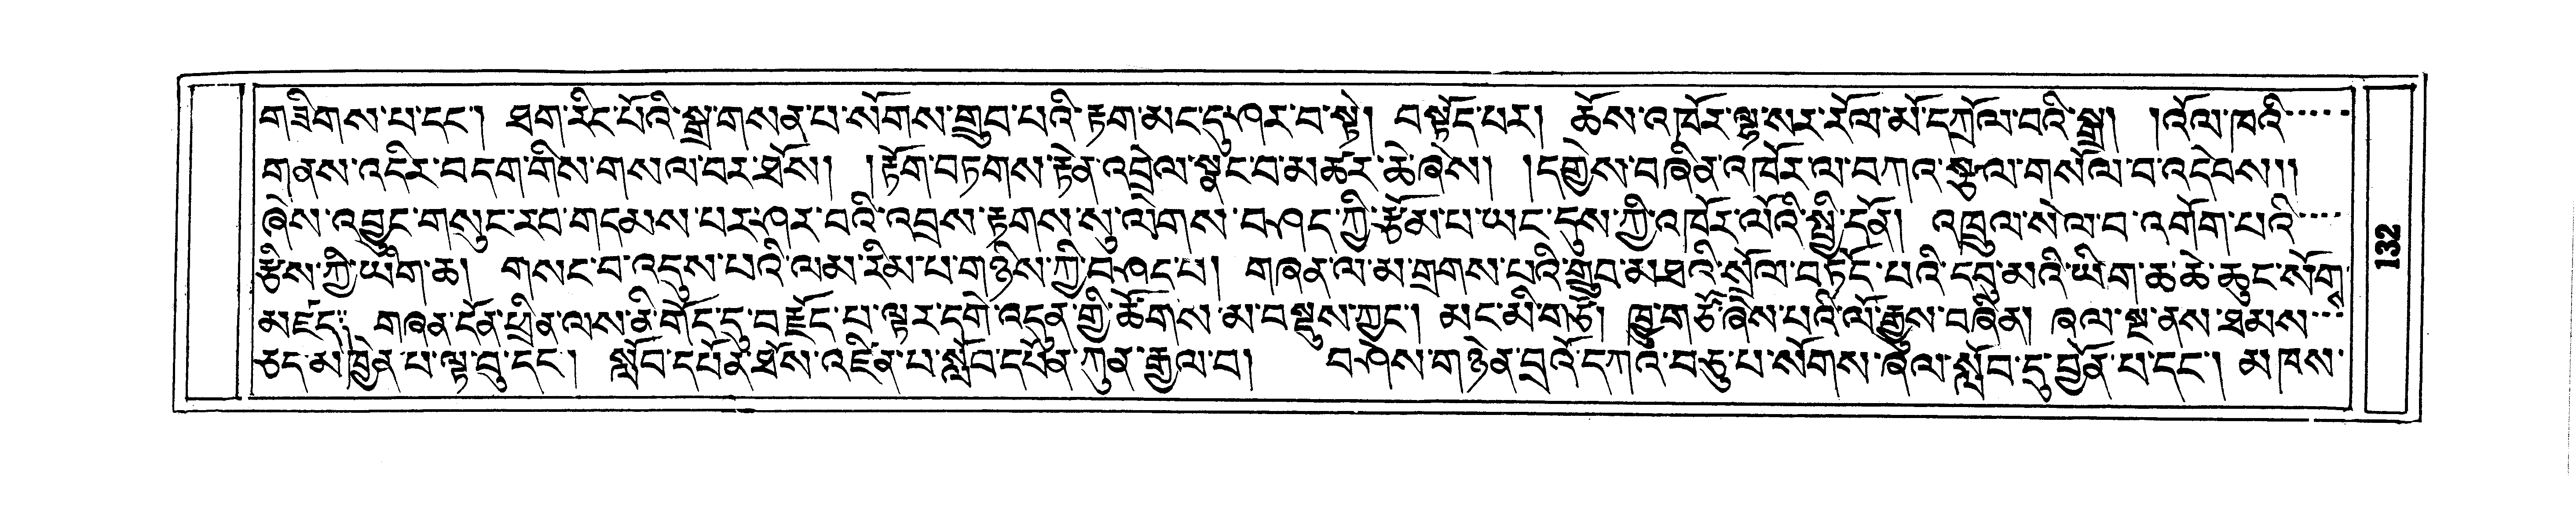གཟིགས་པ་དང་། ཐག་རིང་པོའི་སྒྲ་གསན་པ་སོགས་གྲུབ་པའི་རྟག་མང་དུ་ཤར་བ་སྟེ། བསྟོད་པར། ཆོས་འཁོར་ལྷ་སར་རོལ་མོ་དཀྲོལ་བའི་སྒྲ། །འོལ་ཁའི་
གནས་འདིར་བདག་གིས་གསལ་བར་ཐོས། །རྟོག་བཏགས་རྟེན་འབྲེལ་སྣང་བ་མཚར་ཆེ་ཞེས། །དགྱེས་བཞིན་འཁོར་ལ་བཀའ་སྩལ་གསོལ་བ་འདེབས།།
ཞེས་འབྱུང་གསུང་རབ་གདམས་པར་ཤར་བའི་འབྲས་རྟགས་སུ་ལེགས་བཤད་ཀྱི་རྩོམ་པ་ཡང་དུས་ཀྱི་འཁོར་ལོའི་སྤྱི་དོན། འཁྲུལ་སེལ་བ་འགོག་པའི་
རྩིས་ཀྱི་ཡིག་ཆ། གསང་བ་འདུས་པའི་ལམ་རིམ་པ་གཉིས་ཀྱི་བཤད་པ། གཞན་ལ་མ་གྲགས་པའི་གྲུབ་མཐའི་སྲོལ་བཏོང་པའི་དབུ་མའི་ཡིག་ཆ་ཆེ་ཆུང་སོགས་
མཛད༑ གཞན་དོན་ཕྲིན་ལས་ནི་གོང་དུ་བརྗོད་པ་ལྟར་དགེ་འདུན་གྱི་ཚོགས་མ་བསྡུས་ཀྱང་། མང་མི་གཙོ། ཁྱུ་གཙོ་ཞེས་པའི་ལོ་རྒྱུས་བཞིན། ཞལ་སྔ་ནས་ཐམས་
ཅད་མཁྱེན་པ་ལྟ་བུ་དང་། སློབ་དཔོན་ཐོས་འཛིན་པ་སློབ་དཔོན་ཀུན་རྒྱལ་བ། བཤེས་གཉེན་བྲའོ་དཀའ་བཅུ་པ་སོགས་ཞལ་སློབ་དུ་བྱོན་པ་དང་། མཁས་